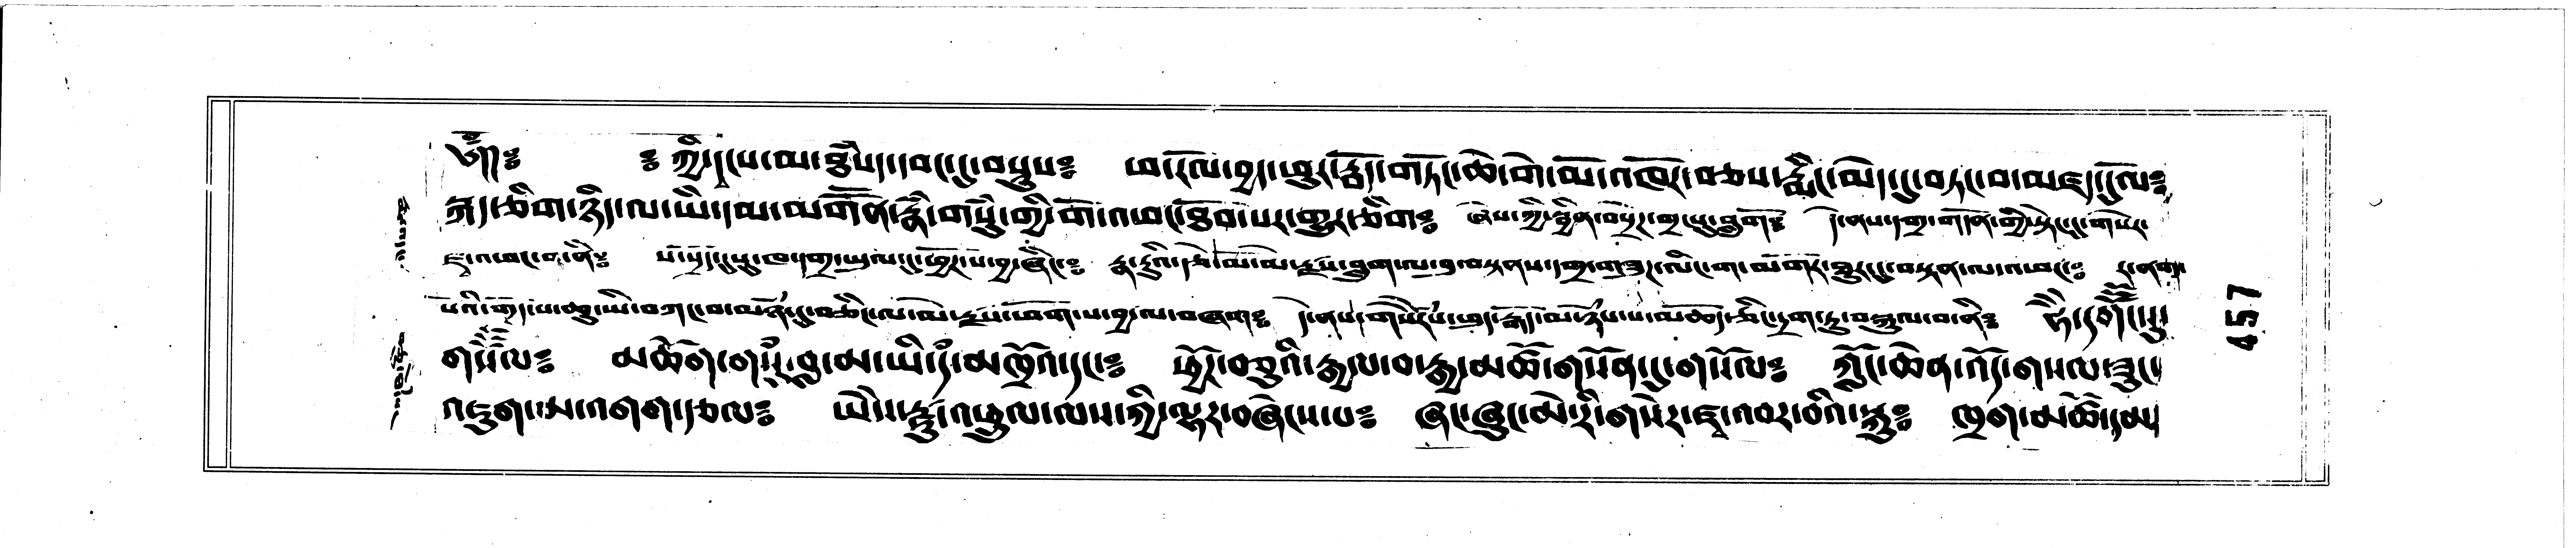༔ཀྱི་དྭངས་མ་ཐམས་ཅད་དབང་དུ་བསྡུས༔ཕ་རོལ་བྱད་ཕུར་སྦོད་གཏོང་ཆེ་གེ་མོ་འཁོར་བཅས་རྨིང་མེད་དུ་བཏང་བར་མཛད་དུ་གསོལ༔
སྐད་ཅིག་ཉིད་ལ་ཡི་དམ་མགོན་པོ་རྣམ་གསུམ་གྱི་གོ་འཕང་ཐོབ་པར་གྱུར་ཅིག༔ཞེས་ཀྱི་སྦྱིན་བསྲེགས་གྲངས་བླུག་གོ༔ དེ་ནས་དགྲ་གདོན་གྱི་སྟེང་དུ་གསེར་
ཛྭ་འཕང་བ་ནི༔ས་སྲོད་དུས་སུ་ཁ་དགྲ་ཡུལ་དུ་ཕྱོགས་པ་བྱ་ཞིང་༔རྣ་རུའི་རྩེ་མོ་མེ་རྫས་བླུག་ལ་བུ་བསྟན་ནས་དགྲ་གཟུགས་ལིང་ག་མགོ་ཐུར་དུ་བསྟན་ལ་འཕང༔ ར་ནག་
པོའི་གྲོད་པ་ཆུ་ཡིས་བཀང་བ་མཉམ་དུ་བཅིང་ལ་མེ་རྫས་ཕོག་པ་བྱ་ལ་བཞག༔དེ་ནས་གསེར་སྐྱེམས་ཕུད་རྒོད་མ་ཉམས་པ་མཆོད་ཅིང་དྲག་ཏུ་བསྐུལ་བ་ནི༔ཧཻཿ དགོངས་སུ་
གསོལ༔ མཆོག་གསུམ་བླ་མ་ཡི་དམ་མཁའ་འགྲོ་དང་༔ཕྱོགས་བཅུའི་རྒྱལ་བ་རྒྱ་མཚོ་གསོན་དུ་གསོལ༔ ཀློང་ཆེན་འོད་གསལ་ཟུང་
འཇུག་མ་འགག་རྩལ༔ཡེ་ཤེས་རྫུ་འཕྲུལ་ལས་ཀྱི་ལྷར་བཞེངས་པ༔ཞང་ཞུང་མེ་རིགསེར་ཛྭ་འབར་བའི་སྐུ༔ཁྲག་མཚོ་དམར་